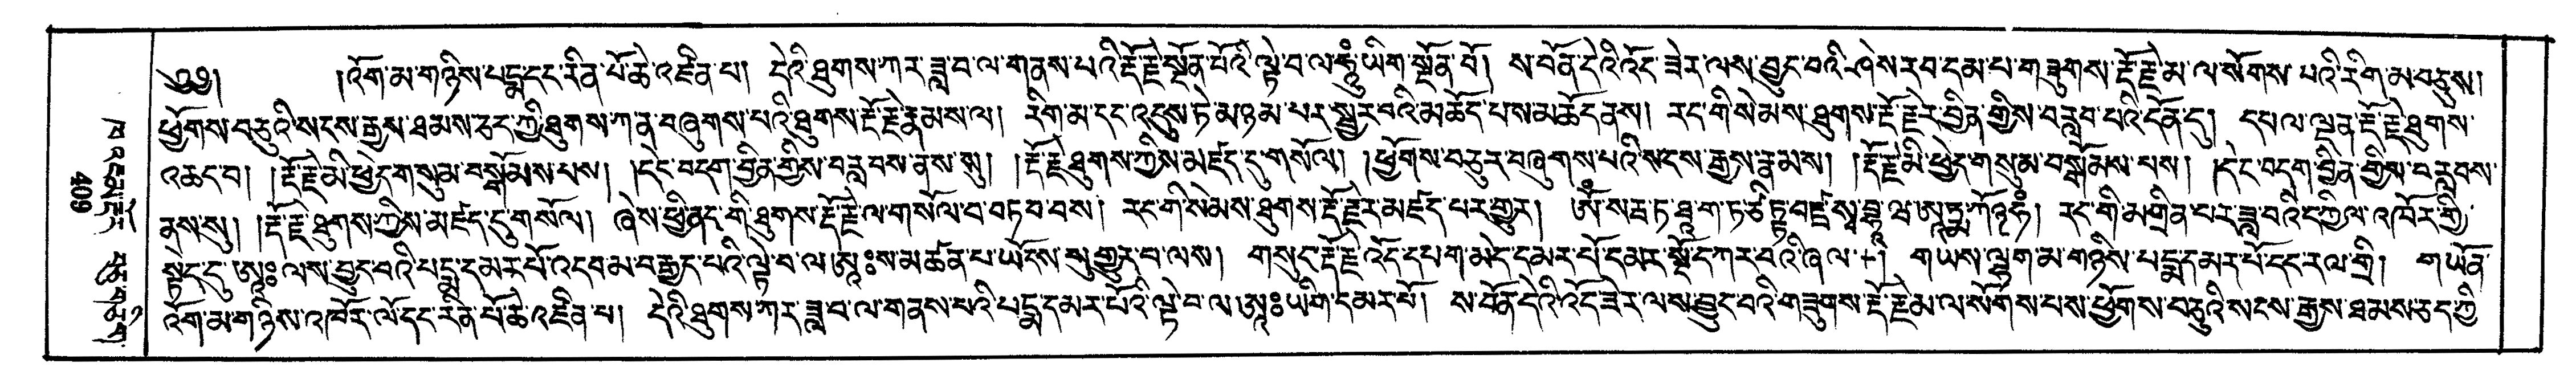༄༅། །འོག་མ་གཉིས་པདམ་དང་རིན་པོ་ཆེ་འཛིན་པ། དེའི་ཐུགས་ཀར་ཟླ་བ་ལ་གནས་པའི་རྡོ་རྗེ་སྔོན་པོའི་ལྟེ་བ་ལ་ཧཱུཾ་ཡིག་སྔོན་པོ། ས་བོན་དེའི་འོད་ཟེར་ལས་བྱུང་བའི་ཤེས་རབ་དམ་པ་གཟུགས་རྡོ་རྗེ་མ་ལ་སོགས་པའི་རིག་མ་བཅུས།
ཕྱོགས་བཅུའི་སངས་རྒྱས་ཐམས་ཅད་ཀྱི་ཐུགས་ཀན་བཞུགས་པའི་ཐུགས་རྡོ་རྗེ་རྣམས་ལ། རིག་མ་དང་འདུས་ཏེ་མཉམ་པར་སྦྱར་བའི་མཆོད་པས་མཆོད་ནས། རང་གི་སེམས་ཐུགས་རྡོ་རྗེར་བྱིན་གྱིས་བརླབ་པའི་དོན་དུ། དཔལ་ལྡན་རྡོ་རྗེ་ཐུགས་
འཆང་བ། །རྡོ་རྗེ་མི་ཕྱེད་གསུམ་བསྒོམས་པས། །དེང་བདག་བྱིན་གྱིས་བརླབས་ནས་སུ། །རྡོ་རྗེ་ཐུགས་ཀྱིས་མཛད་དུ་གསོལ། །ཕྱོགས་བཅུར་བཞུགས་པའི་སངས་རྒྱས་རྣམས། །རྡོ་རྗེ་མི་ཕྱེད་གསུམ་བསྒོམས་པས། །དེང་བདག་བྱིན་གྱིས་བརླབས་
ནས་སུ། །རྡོ་རྗེ་ཐུགས་ཀྱིས་མཛད་དུ་གསོལ། ཞེས་ཕྱི་ནང་གི་ཐུགས་རྡོ་རྗེ་ལ་གསོལ་བ་བཏབ་པས། རང་གི་སེམས་ཐུགས་རྡོ་རྗེར་མཛད་པར་གྱུར། ཨོཾ་སརྦ་ཏ་ཐཱ་ག་ཏ་ཙིཏྟ་བཛྲ་སྭ་བྷཱ་ཝ་ཨཱཏྨ་ཀོཉྷཾ། རང་གི་མགྲིན་པར་ཟླ་བའི་དཀྱིལ་འཁོར་གྱི་
སྟེང་དུ་ཨཱཿ ལས་བྱུང་བའི་པདམ་དམར་པོ་འདབ་མ་བརྒྱད་པའི་ལྟེ་བ་ལ་ཨཱཿ ས་མཚན་པ་ཡོངས་སུ་གྱུར་པ་ལས། གསུང་རྡོ་རྗེ་འོད་དཔག་མེད་དམར་པོ་དམར་སྔོ་དཀར་བའི་ཞལ་+། གཡས་ལྷག་མ་གཉིས་པདམ་དམར་པོ་དང་རལ་གྲི། གཡོན་
འོག་མ་གཉིས་འཁོར་ལོ་དང་རིན་པོ་ཆེ་འཛིན་པ། དེའི་ཐུགས་ཀར་ཟླ་བ་ལ་གནས་པའི་པདམ་དམར་པོའི་ལྟེ་བ་ལ་ཨཱཿ ཡིག་དམར་པོ། ས་བོན་དེའི་འོད་ཟེར་ལས་བྱུང་བའི་གཟུགས་རྡོ་རྗེ་མ་ལ་སོགས་པས་ཕྱོགས་བཅུའི་སངས་རྒྱས་ཐམས་ཅད་ཀྱི་